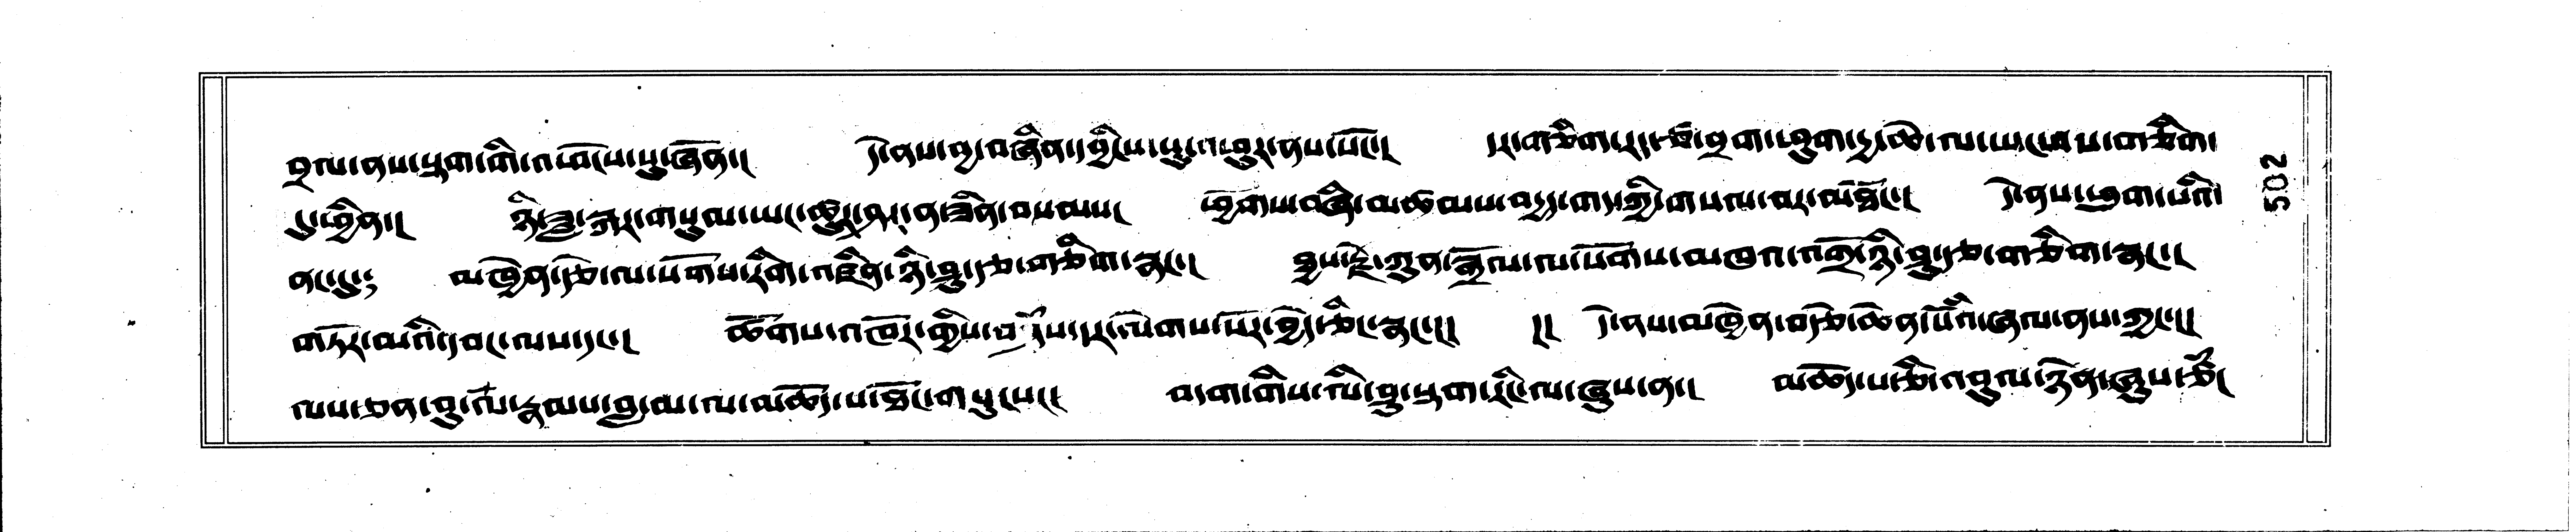བྲལ་བས་སྟག་གིས་འཕོངས་སུ་ཞོན། དེ་ནས་བྱ་བཞིན་དབྱིངས་སུ་འཕུར་ནས་སོང་། དར་ཞིག་རེས་ཙ་བྲག་ཕུག་རྒྱ་ཆེ་ལ་ཡངས་པ་ཅིག
་ཏུ་ཕྱིན། ཉི་ཟླ་སྐར་གསུམ་ཡང་ཚུར་ཤར་ཟིན་བསམ། ཕྱོགས་འཚམས་༼མཚམས༽བརྒྱད་ཀད་གསལ་ནས་མཐོང་། དེ་ནས་ཕུག་པའི་
ནང་དུ། མཁྱེན་བརྩེ་ལ་སོགས་རིག་འཛིན་ཉི་ཤུ་རྩ་གཅིག་སྣང་། ཐུགས་རྗེས་ཀུན་གྲོལ་ལ་སོགས་མཁའ་འགྲོ་ཉི་ཤུ་རྩ་གཅིག་སྣང་། 
གཏོར་མའི་དབང་ལས་དང་། ཚོགས་འཁོར་གྱིས་བཤམས་དར་ལེགས་པོར་བྱེད་ཅིང་སྣང་། དེ་ནས་མཁྱེན་བརྩེ་ཆེན་པོའི་ཞལ་ནས་ཀྱང་། 
ལས་ཅན་བུ་རྣམས་བླ་མ་ལ་མཆོད་པ་ཐོངས་གསུངས། བདག་གིས་ལི་ཤུ་སྟག་རིང་ལ་ཞུས་ནས། མཆོད་པ་ཅི་ཕུལ་ན་ཉན་༼ཉེན༽ཞུས་ཙ།